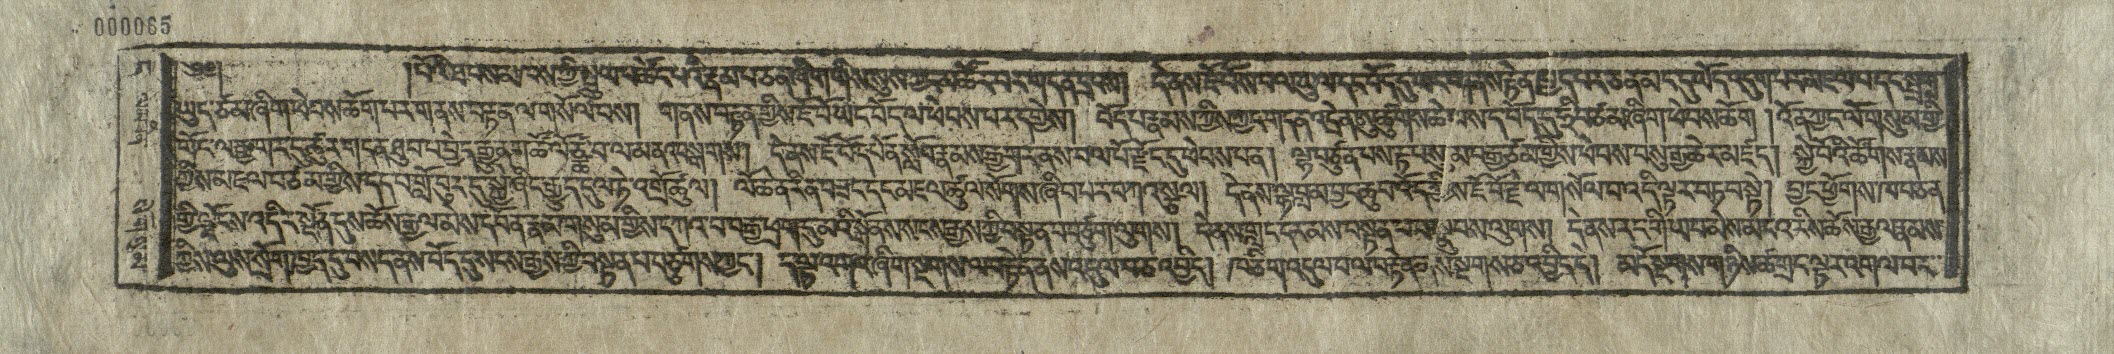༄༅། །པོའི་ཐབས་མཁས་ཀྱི་སྤྲུལ་པ་ཚོང་པའི་རྣམ་པ་ཅན་ཞིག་གིས་སུས་ཀྱང་མ་ཚོར་བར་གདན་དྲངས། དེ་ནས་ཇོ་བོས་བལ་ཡུལ་དང་བོད་དུ་ཡང་གནས་རྟེན་ཁྱད་པར་ཅན་མང་དུ་ཡོད་འདུག་པར་མཇལ་བ་དང་སྦྲགས་
ཡུད་ཙམ་ཞིག་ཕེབས་ཆོག་པར་གནས་བརྟན་ལ་གསོལ་བས། གནས་བརྟེན་གྱིས་ཇོ་བོ་ཡང་བོད་ལ་ཕེབས་པར་དགྱེས། བོད་པ་རྣམས་ཀྱིས་ཀྱང་གདན་འདྲེན་ཨུ་ཚུགས་ཆེ་བས་ད་བོད་དུ་ཧྲིབ་ཙམ་ཞིག་ཕེབས་ཆོག །འོན་ཀྱང་ལོ་གསུམ་གྱི་
གོང་ལ་རྒྱ་གར་དུ་ཚུར་གདན་ཐུབ་པ་བྱེད་རྒྱུ་ནག་ཚོ་ལོ་ཙྪ་བ་ལ་མནའ་བསྒགས། དེ་ནས་ཇོ་བོ་དཔོན་སློབ་རྣམས་རྒྱ་གར་ནས་བལ་པོ་རྫོང་དུ་ཕེབས་པ་ན། ལྷ་བཙུན་པས་རྟ་པ་སུམ་བརྒྱ་ཙམ་གྱིས་ཕེབས་བསུ་རྒྱ་ཆེར་མཛད། སྐྱེ་བོའི་ཚོགས་རྣམས་
ཀྱིས་མཇལ་བ་ཙམ་གྱིས་དད་པ་གློ་བུར་དུ་སྐྱེ་ཞིང་རྒྱུད་དུལ་ཏེ་འགྲོ་ཚུལ། ལོ་ཆེན་རིན་བཟང་དང་མཇལ་ཚུལ་སོགས་ཞིབ་པར་བཀའ་སྩལ། དེ་ནས་ལྷ་བླ་མ་བྱང་ཆུབ་འོད་ཀྱིས་ཇོ་བོ་རྗེ་ལ་གསོལ་བ་འདི་ལྟར་བཏབ་སྟེ། བྱང་ཕྱོགས་ཁ་བ་ཅན་
གྱི་ལྗོངས་འདིར་སྔོན་དུས་ཆོས་རྒྱལ་མེས་དབོན་རྣམ་གསུམ་གྱིས་དཀའ་བ་བརྒྱ་ཕྲག་དུ་མའི་སྒོ་ནས་སངས་རྒྱས་ཀྱི་བསྟན་པ་བཙུག་ལུགས། དེ་ནས་གླང་དར་མས་བསྟན་པ་བསྣུབས་ལུགས། དེ་ནས་རང་གི་ཡབ་མེས་མངའ་རིས་ཆོས་རྒྱལ་རྣམས་
ཀྱིས་ལུས་སྲོག་ཁྱད་དུ་བསད་ནས་བོད་དུ་སངས་རྒྱས་ཀྱི་བསྟན་པ་བཙུགས་ཀྱང་། ད་ལྟ་འགའ་ཞིག་སྔགས་ལ་བརྟེན་ནས་འདུལ་བ་ཅ་འབྱིད། ཁ་ཅིག་འདུལ་བ་ལ་བརྟེན་ནས་སྔགས་ཅ་འབྱིད་དེ། མདོ་སྔགས་གཉིས་ཚ་གྲང་ལྟར་འགལ་བར་